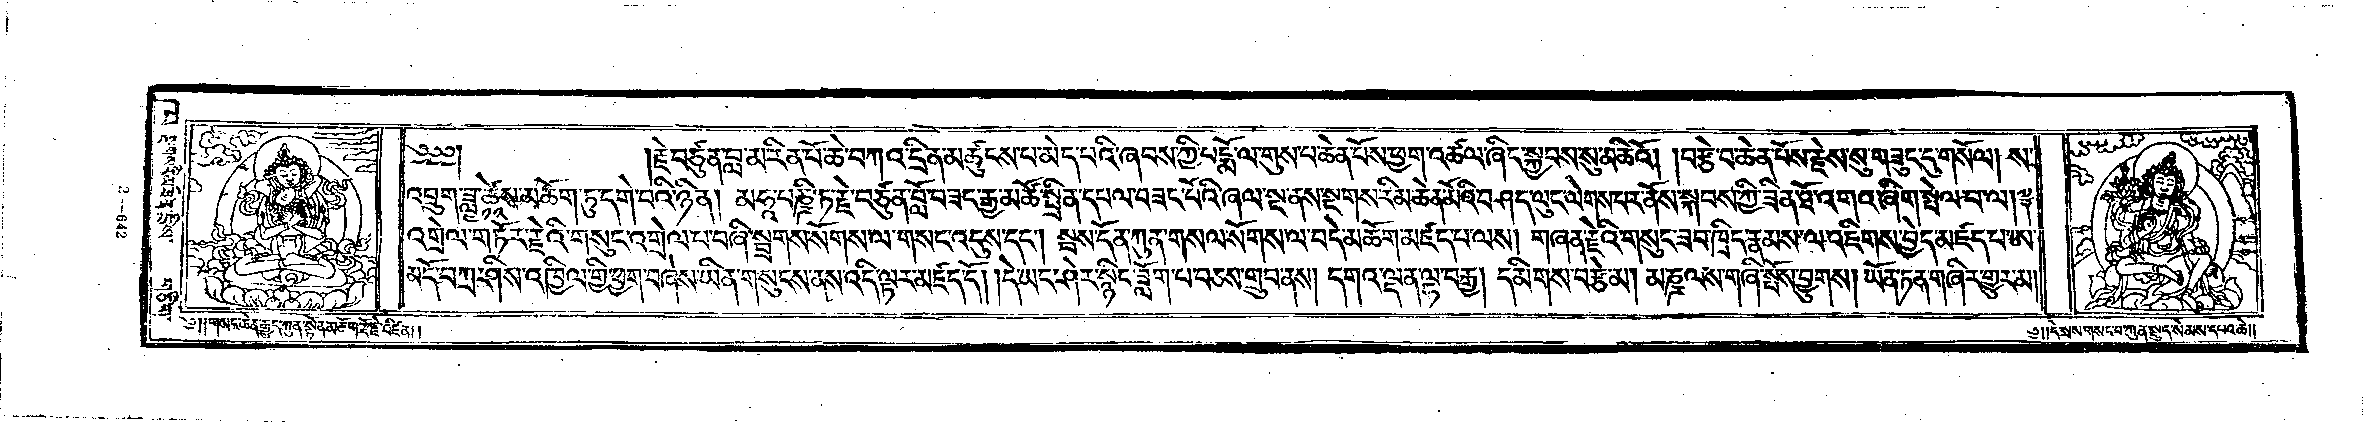༄༅༅། །རྗེ་བཙུན་བླ་མ་རིན་པོ་ཆེ་བཀའ་དྲིན་མཚུངས་པ་མེད་པའི་ཞབས་ཀྱི་པདམོ་ལ་གུས་པ་ཆེན་པོས་ཕྱག་འཚལ་ཞིང་སྐྱབས་སུ་མཆིའོ། །བརྩེ་བ་ཆེན་པོས་རྗེས་སུ་གཟུང་དུ་གསོལ། ས་
འབྲུག་ཟླ༤་ཚེས༡༢་མཆོག་ཏུ་དགེ་བའི་ཉིན། མཧཱ་པཎྜི་ཏ་རྗེ་བཙུན་བློ་བཟང་རྒྱ་མཚོ་སྤྲིན་དཔལ་བཟང་པོའི་ཞལ་སྔ་ནས་སྔགས་རིམ་ཆེན་མོའི་བཤད་ལུང་ལེགས་པར་ནོས་སྐབས་ཀྱི་ཟིན་ཐོ་འགའ་ཞིག་སྤེལ་བ་ལ། ༈
འགྲེལ་གཏོར་རྗེའི་གསུང་འགྲེལ་པ་བཞི་སྦྲགས་སོགས་ལ་གསང་འདུས་དང་། སྦས་དོན་ཀུན་གསལ་སོགས་ལ་བདེ་མཆོག་མཛད་པ་ལས། གཞན་རྗེའི་གསུང་ཟབ་ཁྲིད་རྣམས་ལ་འཇིགས་བྱེད་མཛད་པ་ཨ་
མདོ་བཀྲ་ཤིས་འཁྱིལ་གྱི་ཕྱག་བཞེས་ཡིན་གསུངས་ནས་འདི་ལྟར་མཛད་དོ། །དེ་ཡང་ཤེར་སྙིང་ཟློག་པ་བཅས་གྲུབ་ནས། དགའ་ལྡན་ལྷ་བརྒྱ། དམིགས་བརྩེ་མ། མཎྜ་ལས་གཞི་སྤོས་བྱུགས། ཡོན་ཏན་གཞིར་གྱུར་མ།